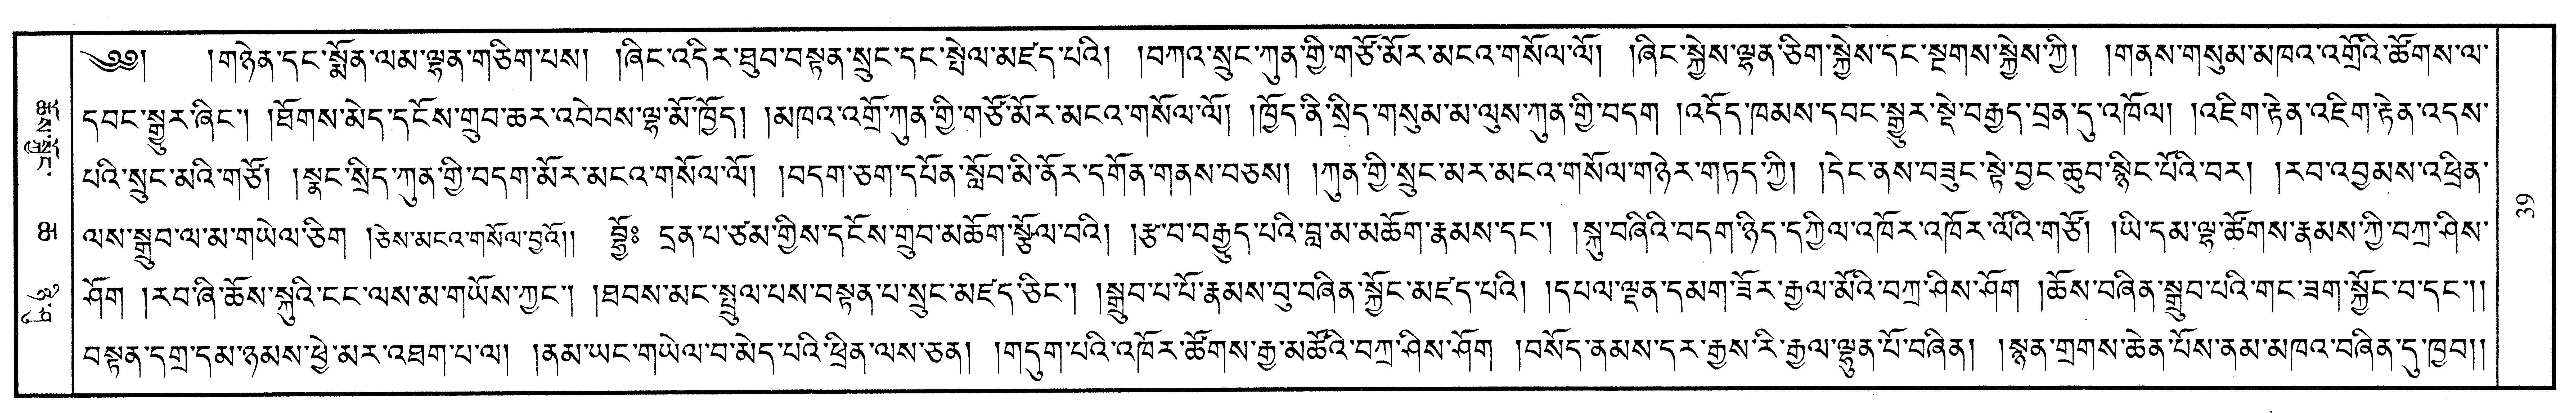༄༅། །གཉེན་དང་སྨོན་ལམ་ལྷན་གཅིག་པས། །ཞིང་འདིར་ཐུབ་བསྟན་སྲུང་དང་སྤེལ་མཛད་པའི། །བཀའ་སྲུང་ཀུན་གྱི་གཙོ་མོར་མངའ་གསོལ་ལོ། །ཞིང་སྐྱེས་ལྷན་ཅིག་སྐྱེས་དང་སྔགས་སྐྱེས་ཀྱི། །གནས་གསུམ་མཁའ་འགྲོའི་ཚོགས་ལ་
དབང་སྒྱུར་ཞིང་། །ཐོགས་མེད་དངོས་གྲུབ་ཆར་འབེབས་ལྷ་མོ་ཁྱོད། །མཁའ་འགྲོ་ཀུན་གྱི་གཙོ་མོར་མངའ་གསོལ་ལོ། །ཁྱོད་ནི་སྲིད་གསུམ་མ་ལུས་ཀུན་གྱི་བདག །འདོད་ཁམས་དབང་སྒྱུར་སྡེ་བརྒྱད་བྲན་དུ་འཁོལ། །འཇིག་རྟེན་འཇིག་རྟེན་འདས་
པའི་སྲུང་མའི་གཙོ། །སྣང་སྲིད་ཀུན་གྱི་བདག་མོར་མངའ་གསོལ་ལོ། །བདག་ཅག་དཔོན་སློབ་མི་ནོར་དགོན་གནས་བཅས། །ཀུན་གྱི་སྲུང་མར་མངའ་གསོལ་གཉེར་གཏད་ཀྱི། །དེང་ནས་བཟུང་སྟེ་བྱང་ཆུབ་སྙིང་པོའི་བར། །རབ་འབྱམས་འཕྲིན་
ལས་སྒྲུབ་ལ་མ་གཡེལ་ཅིག །ཅེས་མངའ་གསོལ་བྱའོ།། བྷྱོཿ དྲན་པ་ཙམ་གྱིས་དངོས་གྲུབ་མཆོག་སྩོལ་བའི། །རྩ་བ་བརྒྱུད་པའི་བླ་མ་མཆོག་རྣམས་དང་། །སྐུ་བཞིའི་བདག་ཉིད་དཀྱིལ་འཁོར་འཁོར་ལོའི་གཙོ། །ཡི་དམ་ལྷ་ཚོགས་རྣམས་ཀྱི་བཀྲ་ཤིས་
ཤོག །རབ་ཞི་ཆོས་སྐུའི་ངང་ལས་མ་གཡོས་ཀྱང་། །ཐབས་མང་སྤྲུལ་པས་བསྟན་པ་སྲུང་མཛད་ཅིང་། །སྒྲུབ་པ་པོ་རྣམས་བུ་བཞིན་སྐྱོང་མཛད་པའི། །དཔལ་ལྡན་དམག་ཟོར་རྒྱལ་མོའི་བཀྲ་ཤིས་ཤོག །ཆོས་བཞིན་སྒྲུབ་པའི་གང་ཟག་སྐྱོང་བ་དང།།
བསྟན་དགྲ་དམ་ཉམས་ཕྱེ་མར་འཐག་པ་ལ། །ནམ་ཡང་གཡེལ་བ་མེད་པའི་ཕྲིན་ལས་ཅན། །གདུག་པའི་འཁོར་ཚོགས་རྒྱ་མཚོའི་བཀྲ་ཤིས་ཤོག །བསོད་ནམས་དར་རྒྱས་རི་རྒྱལ་ལྷུན་པོ་བཞིན། །སྙན་གྲགས་ཆེན་པོས་ནམ་མཁའ་བཞིན་དུ་ཁྱབ།།